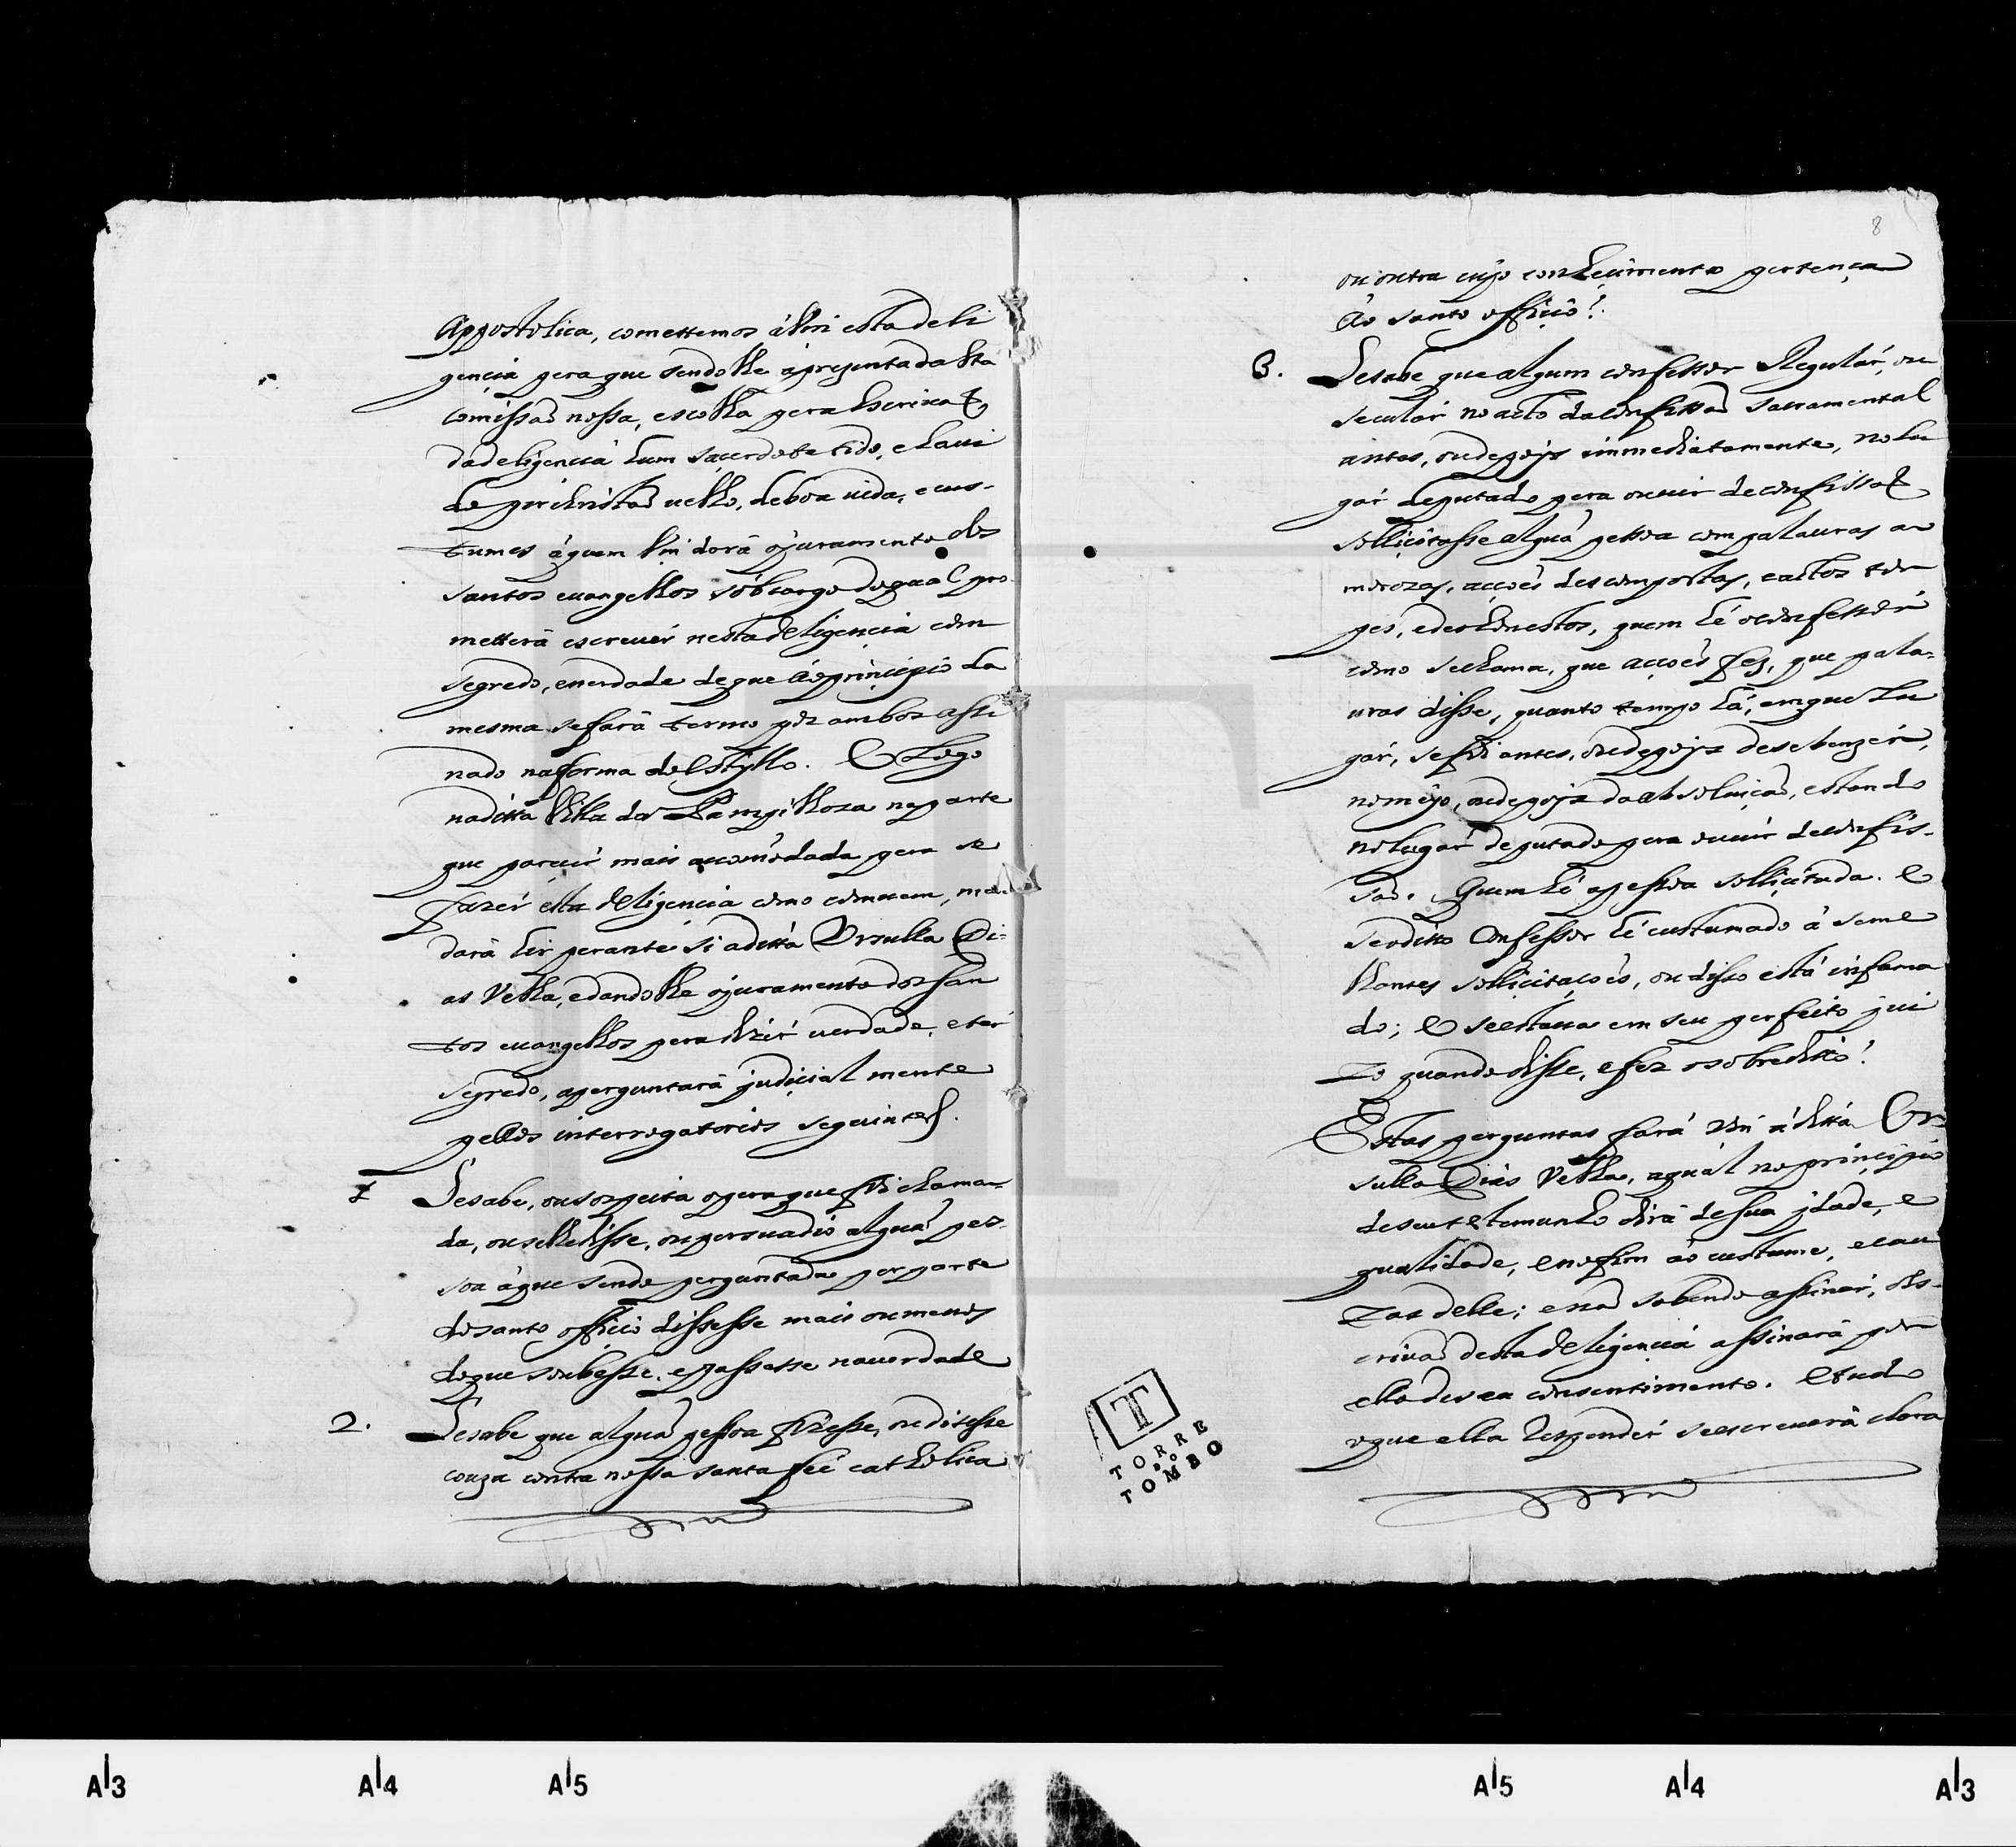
appostolica, comettemos à V m esta deli
gencia pera que sendolhe aprezentada esta
comissaõ nossa, escolha pera Escriuaõ
da deligencia hum sacerdote tido, e haui
do por christaõ uelho, de boa uida, e cus
tumes à quem V m dará o juramento dos
santos euangelhos sob cargo do qual pro
mettera escreuer nesta deligencia com
segredo, e uerdade de que ao principio da
mesma se fará termo por ambos assi
nado na forma do estyllo. E Logo
na ditta Villa da Pampilhoza na parte
que parecer mais accom̄odada pera se
fazer esta deligencia como comuem, ma
dará hir perante si a ditta Vrsulla Di
as Velha, e dandolhe o juramento dos san
tos euangelhos pera dizer uerdade, e ter
segredo, a perguntará judicialmente
pellos interrogatorios seguintes.
1 Se sabe, ou sospeita o pera que foi chama
da, ou se lhe disse, ou persuadio alguā pes
soa a que sendo perguntada por parte
do santo officio dissesse mais ou menos
do que soubesse, e passasse na uerdade
2. Se sabe que alguā pessoa fizesse, ou disesse
couza contra nossa santa feé catholica
ou outra cujo conhecimento pertença
ao santo officio?
3. Se sabe que algum confessor Regular, ou
secular no acto da confissaõ sacramental
antes, ou depois immediatamente, no Lu
gar deputado pera ouuir de confissaõ
sollicitasse alguā pessoa com palauras a
morozas, acçoẽs descompostas, e actos tor
pes, e deshonestos, quem hé o confessor
como se chama, que acçoẽs fez, que pala
uras disse, quanto tempo há, em que Lu
gar, se foi antes, ou depoys de se benzer,
no meyo, ou depoys da absoluiçaõ, estando
no lugar deputado pera ouuir de confis
saõ. Quem hé a pessoa sollicitada. e
se o ditto Confessor hé custumado á seme
lhantes sollicitaçoẽs, ou disso está infama
do; e se estaua em seu perfeito jui
Zo quando disse, e fez o sobreditto?
Estas perguntas fará v m à ditta Ur
sulla Dias Velha, a qual no principio
de seu testemunho dirá de sua jdade, e
qualidade, e no fim ào custume, e cau
Zas delle; e naõ sabendo assinei, o es
criuaõ desta deligencia assinará por
ella de seu consentimento. e tudo
o que ella Responder se escreuerà clara
